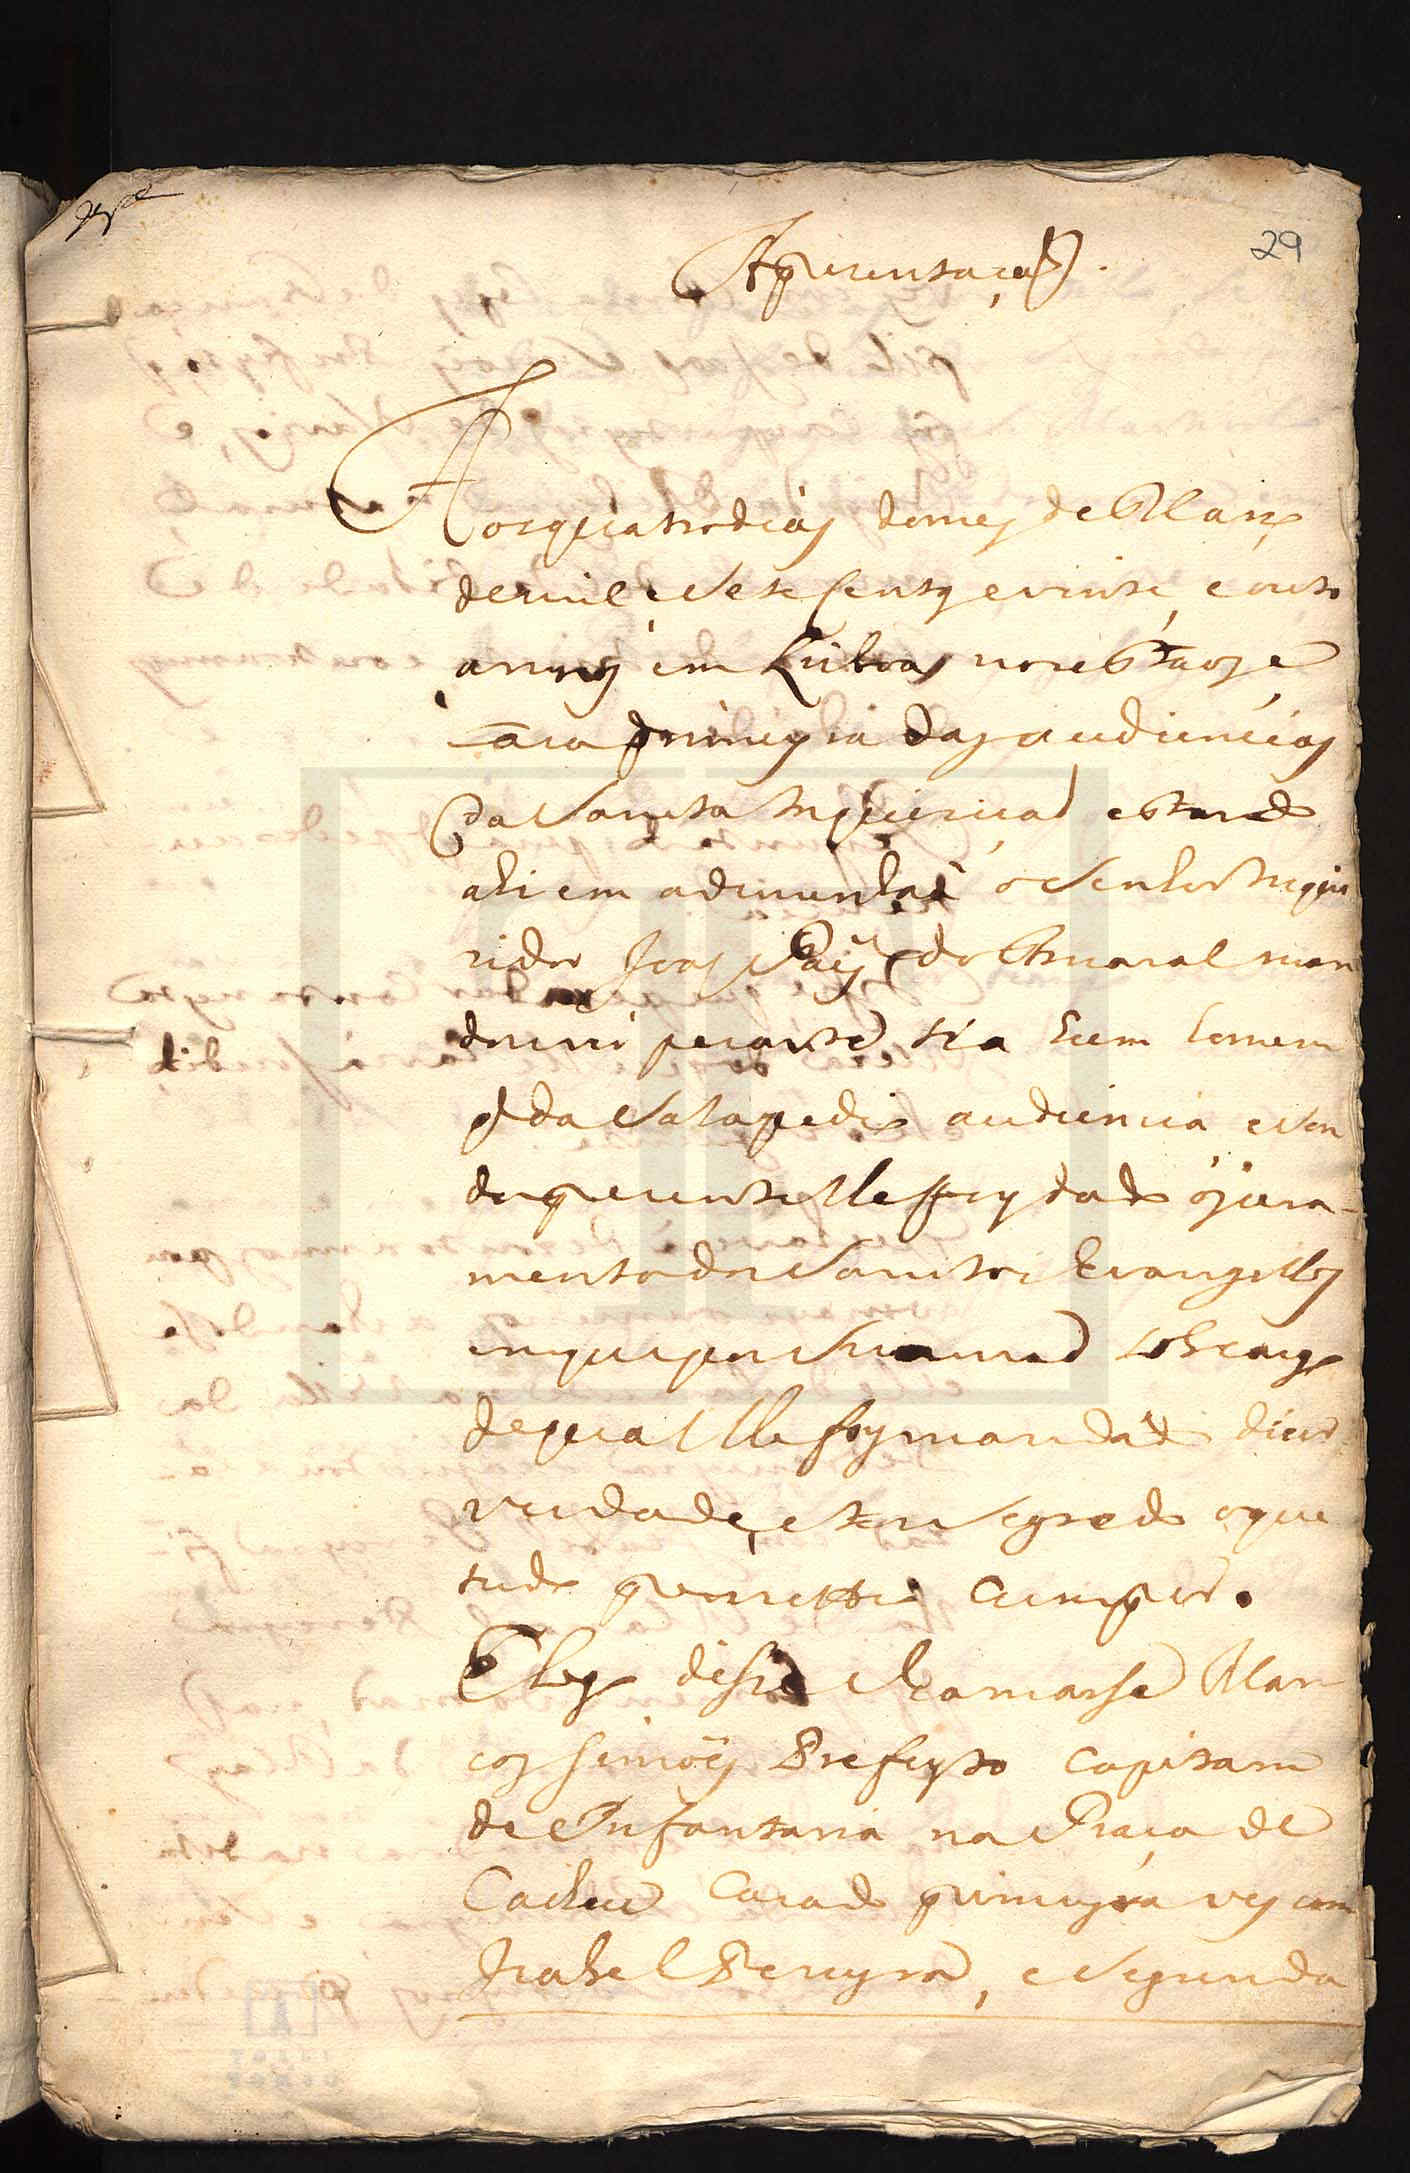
Aprezentaçaõ.
Aos quatro dias do mes de Março
de mil, e seteCentos e vinte, e outo
annos em Lisboas nos estaos, e
Casa primeyra das audiencias
da Santa Inquiziçaõ estando
ahi em a di menhaã o Senhor Inqui
zidor Joao Paês do Amaral man
dou vir perante sy a hum homem
q̄ da sala pedio audiencia, e sen
do prezente lhe foy dado o jura
mento dos Santos Evangelhos
em que pos Sua maõ sobcargo
do qual lhe foy mandado dizer
verdade e ter segredo o que
tudo pometteo cumprir
E logo disse chamarse Mar
cos semoẽs Prefeyto capitam
de Infantaria na Praça de
Cacheu Cazado pRimeyra ves com
Jzabel Pereyra, e segunda
